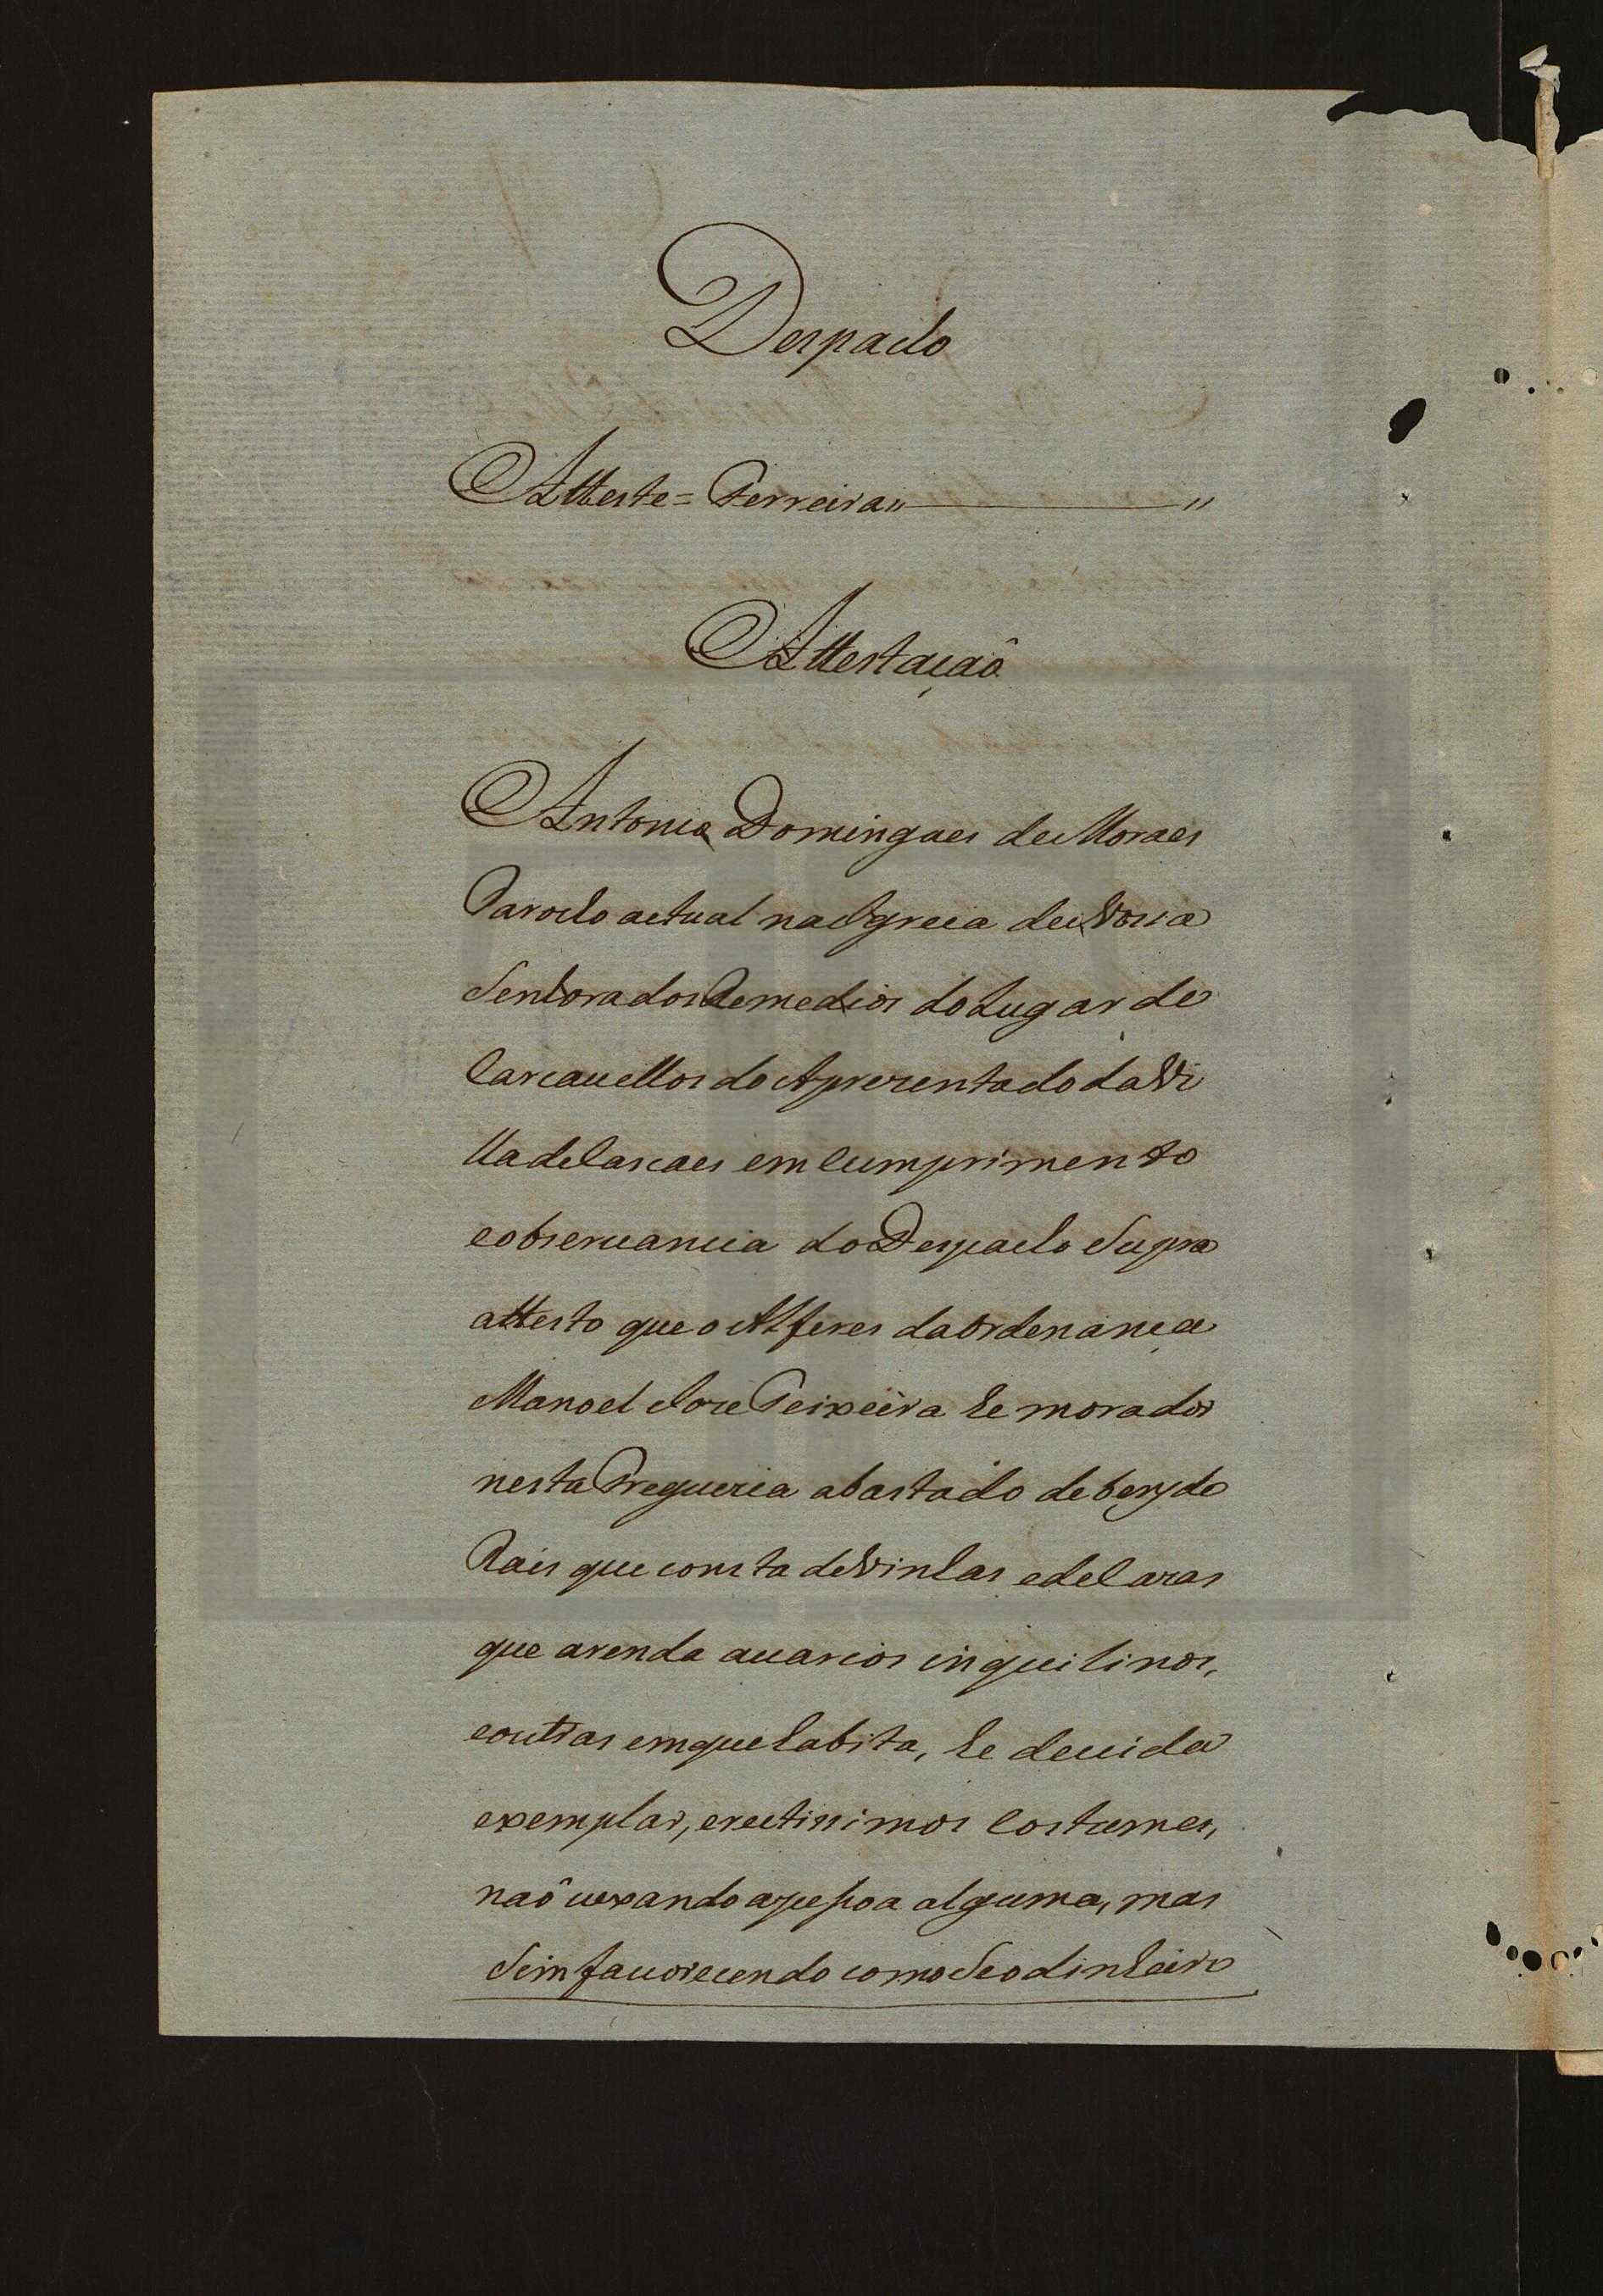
Despacho
Atteste = Ferreira //
Attestaçaõ
Antonio Domingues de Moraes
Parocho actual na Igreia de Nossa
Senhora dos Remedios do Lugar de
Carcauellos do Aprezentado da Vi
lla de Cascaes em cumprimento
e obseruancia do Despacho supra
attesto que o Alferes da ordenança
Manoel Ioze Teixeira he morador
nesta Freguezia abastado de bens de
Rais que consta de Vinhas e de Cazas
que arenda a uarios inquilinos,
e outras em que habita, he de uida
exemplar, e rectissimos costumes,
naõ uexando a pessoa alguma, mas
sim fauorecendo com o seo dinheiro
